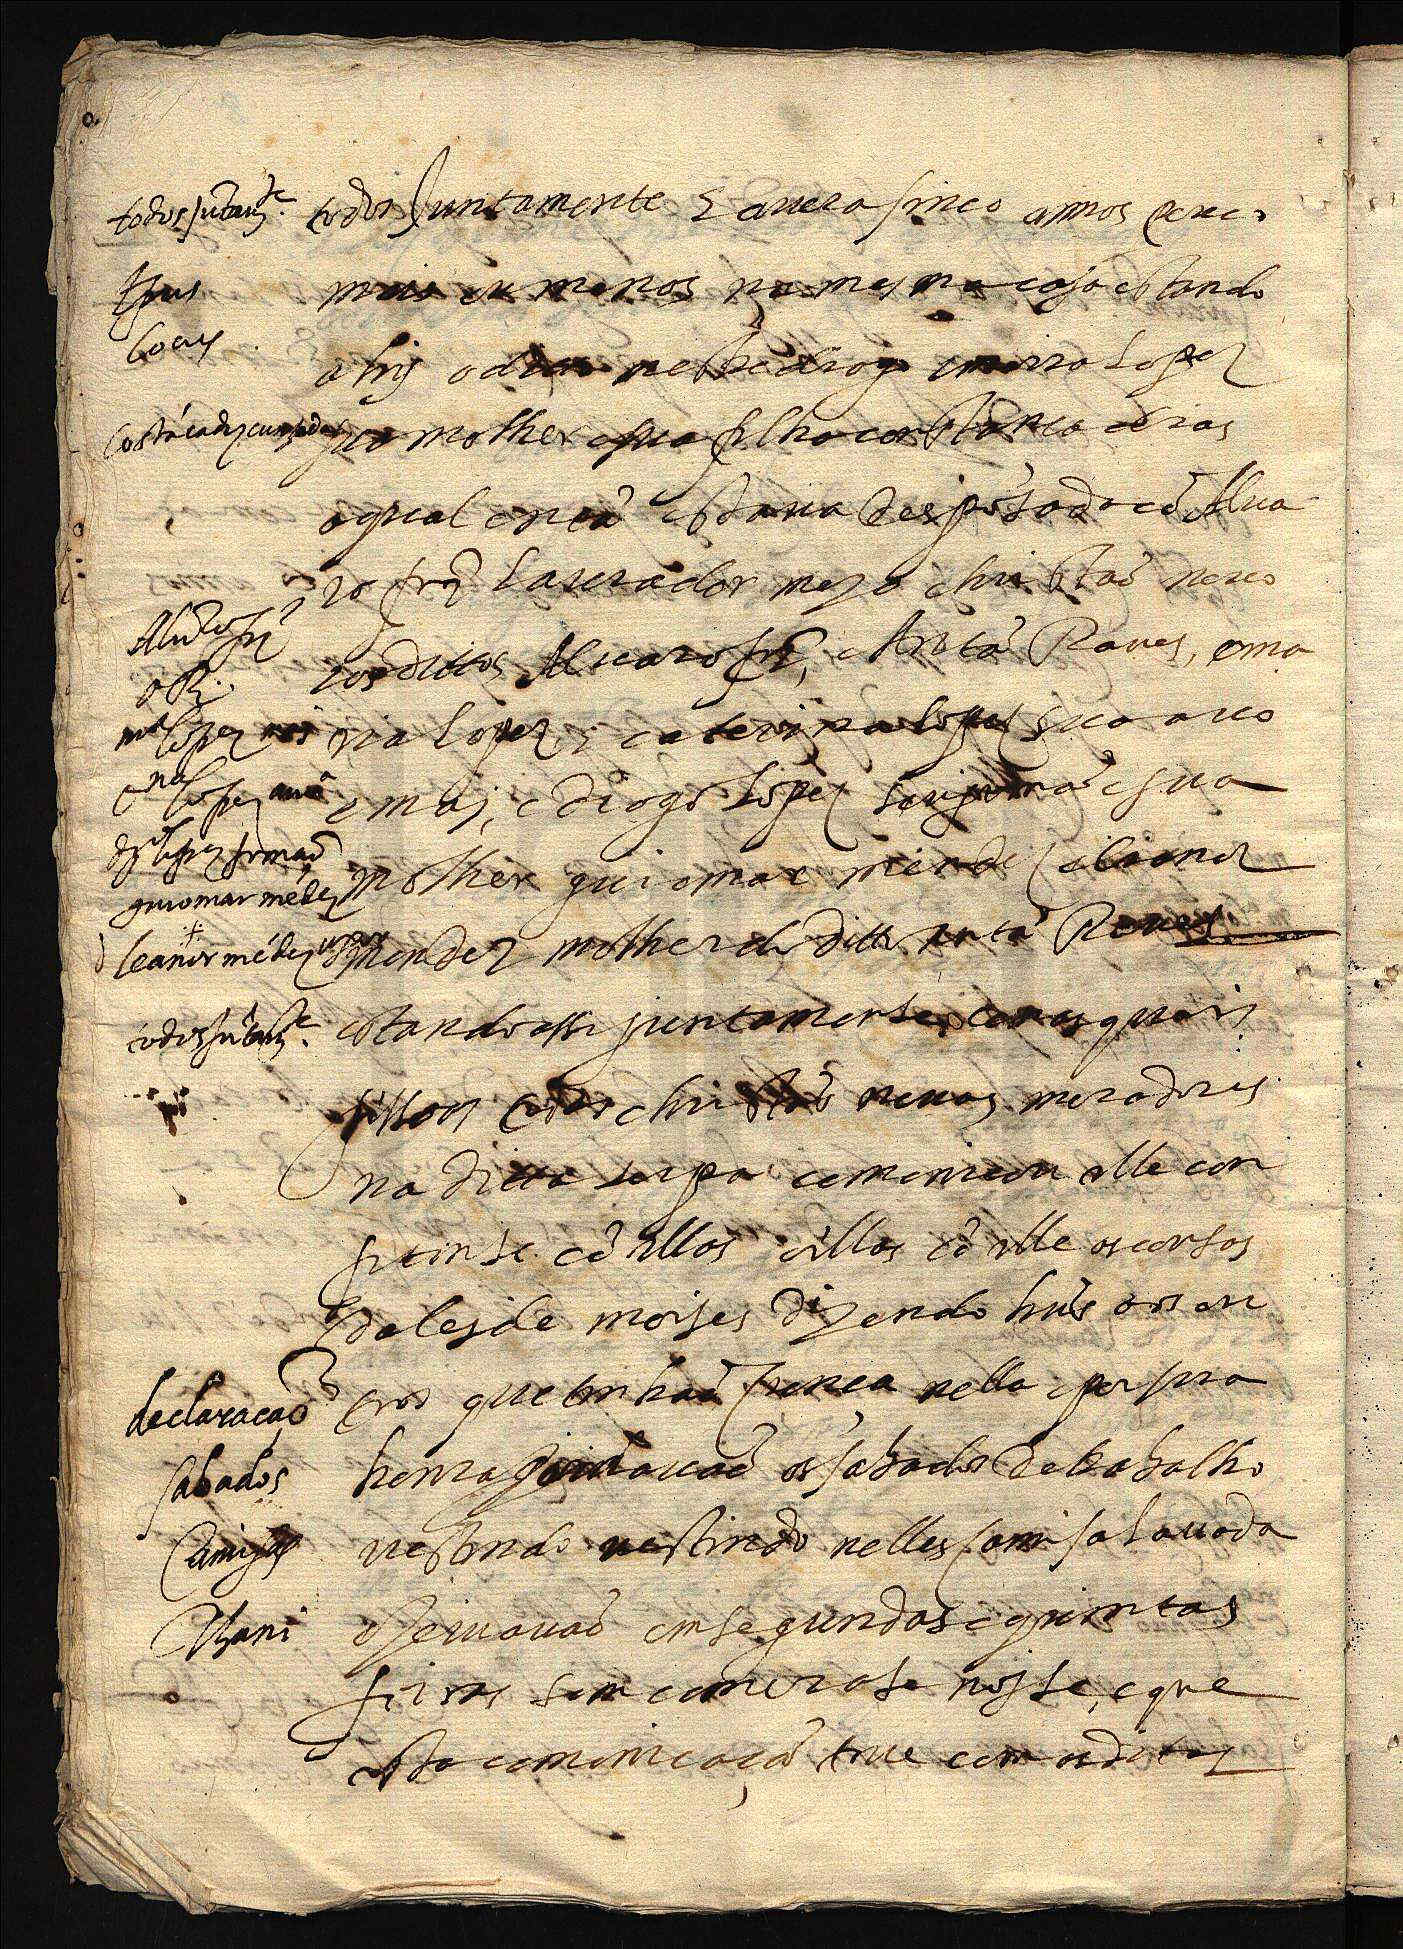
todos Juntamente E auera sinco annos pouco
mais ou menos na mesma casa estando
ahy o ditto mestre diogo e maria Lopez
sua molher e sua filha constança dias
a qual entaõ estaua desposada cō Alua
ro frz̄ laurador mejo christaõ nouo
e os dittos Aluaro frz̄, e Antaõ Raues, e ma
ria lopez, E caterina lopez sua auo
e maj, e diogo Lopez seu jrmaõ e sua
molher guiomar mendez e lianor
mendez molher do ditto antā Reues
estando assi juntamente com as quais
pissoas todas christas̄ nouas moradores
na ditta serpa comonicou elle con
fitente cō ellas e ellas cō elle as cousas
da lej de moises dizendo hūs aos ou
tros que tinhaõ Crença nella e por sua
honra guardauaõ os sabados de trabalho
uestindo uestindo nelles Camisa lauada
e Jeiuauaõ em segundas e quintas
feiras sem comer ate nojte, e que
esta comonicaçaõ teue com as ditas
todos Jūtamte.
tpus
locus
Costāca diz cunhada
Aluro frz̄
o R.
ma lopez maj
cna lopez auô
dyo lopez Jrmaõ
guiomar mēdez
leanor mēdez uxor
todos Jūtamte.
declaraçaõ
sabados
Camisas
Thani
